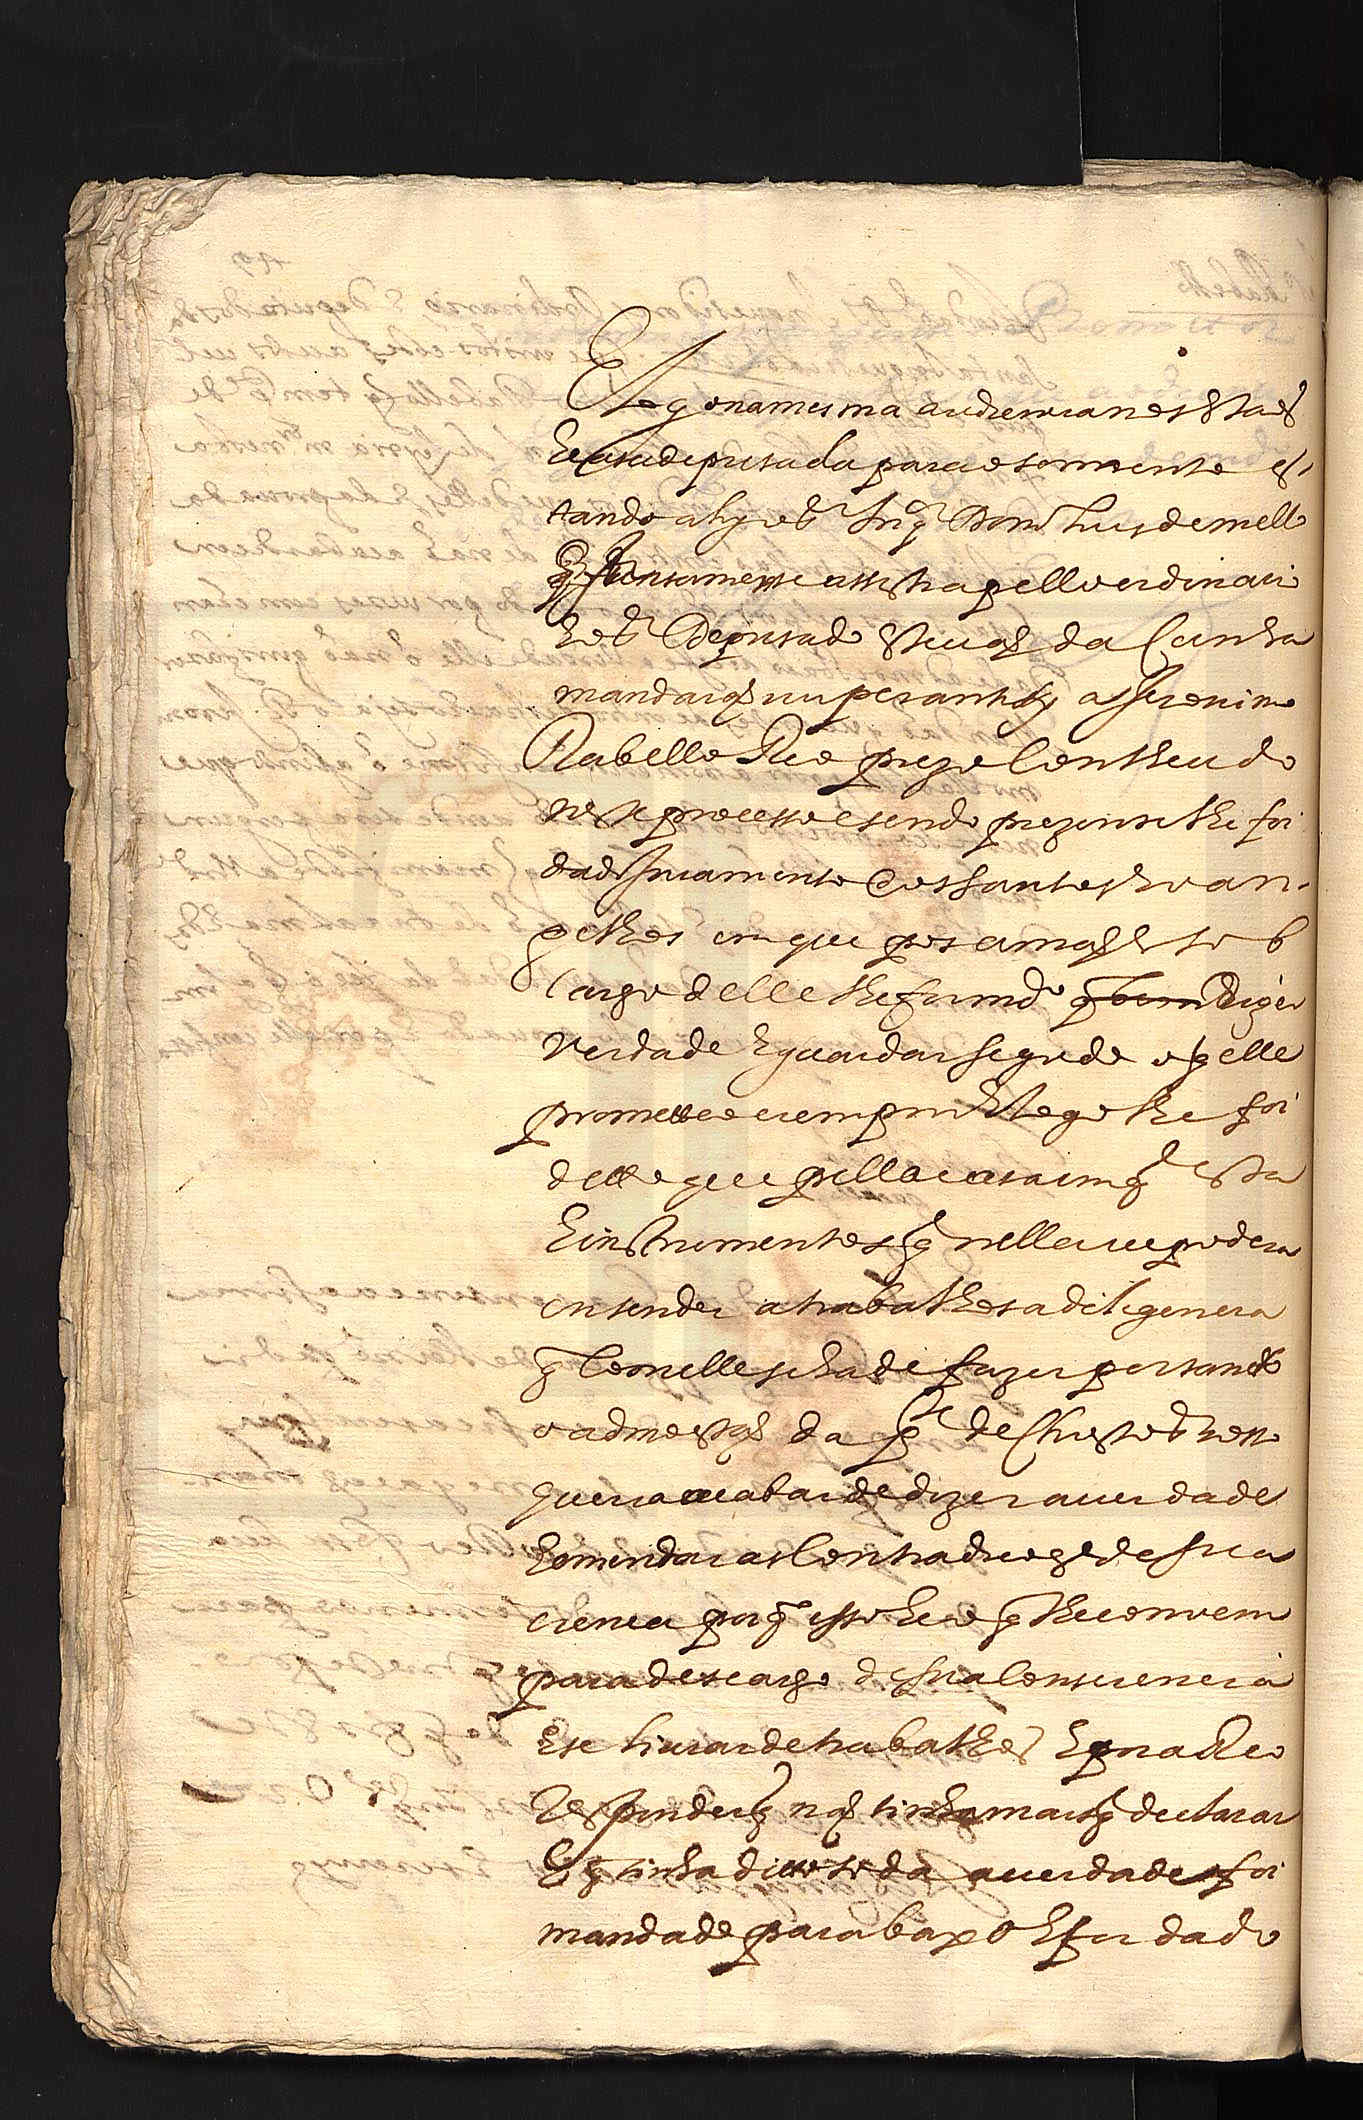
E logo na mesma audiencia nos staos
E casa deputada para o tormento es
tando ahy o s̄r Inqor Dom Luis de mello
q̄ Juntamente assistia pello ordinario
E o s̄r Deputado steuaõ da Cunha
mandaraõ uir perante sy a Jeronimo
Rabello Reo prezo contheudo
neste processo e sendo prezente lhe foi
dado Juramento dos santos Evan
gelhos em que pos a maõ e sob
cargo delle lhe foi mdo q̄ bem dizer
verdade E guardar segredo o q̄ elle
prometto cumprir E logo lhe foi
ditto que pella casa em q̄ esta
E instrumentos q̄ nella ve podera
entender a trabalhosa diligencia
q̄ Com elle se hade fazer portanto
o admoestaõ da pte de Christo s̄ nosso
queira acabar de dizer a uerdade
E emendar as Contradicoes de sua
crenca porq̄ isso he o q̄ lhe convem
para descargo de sua consciencia
E se liurar de trabalhos E por o Reo
responder q̄ naõ tinha mais q̄ declarar
E q̄ tinha ditto toda a uerdade foi
mandado para baxo E foi dado
